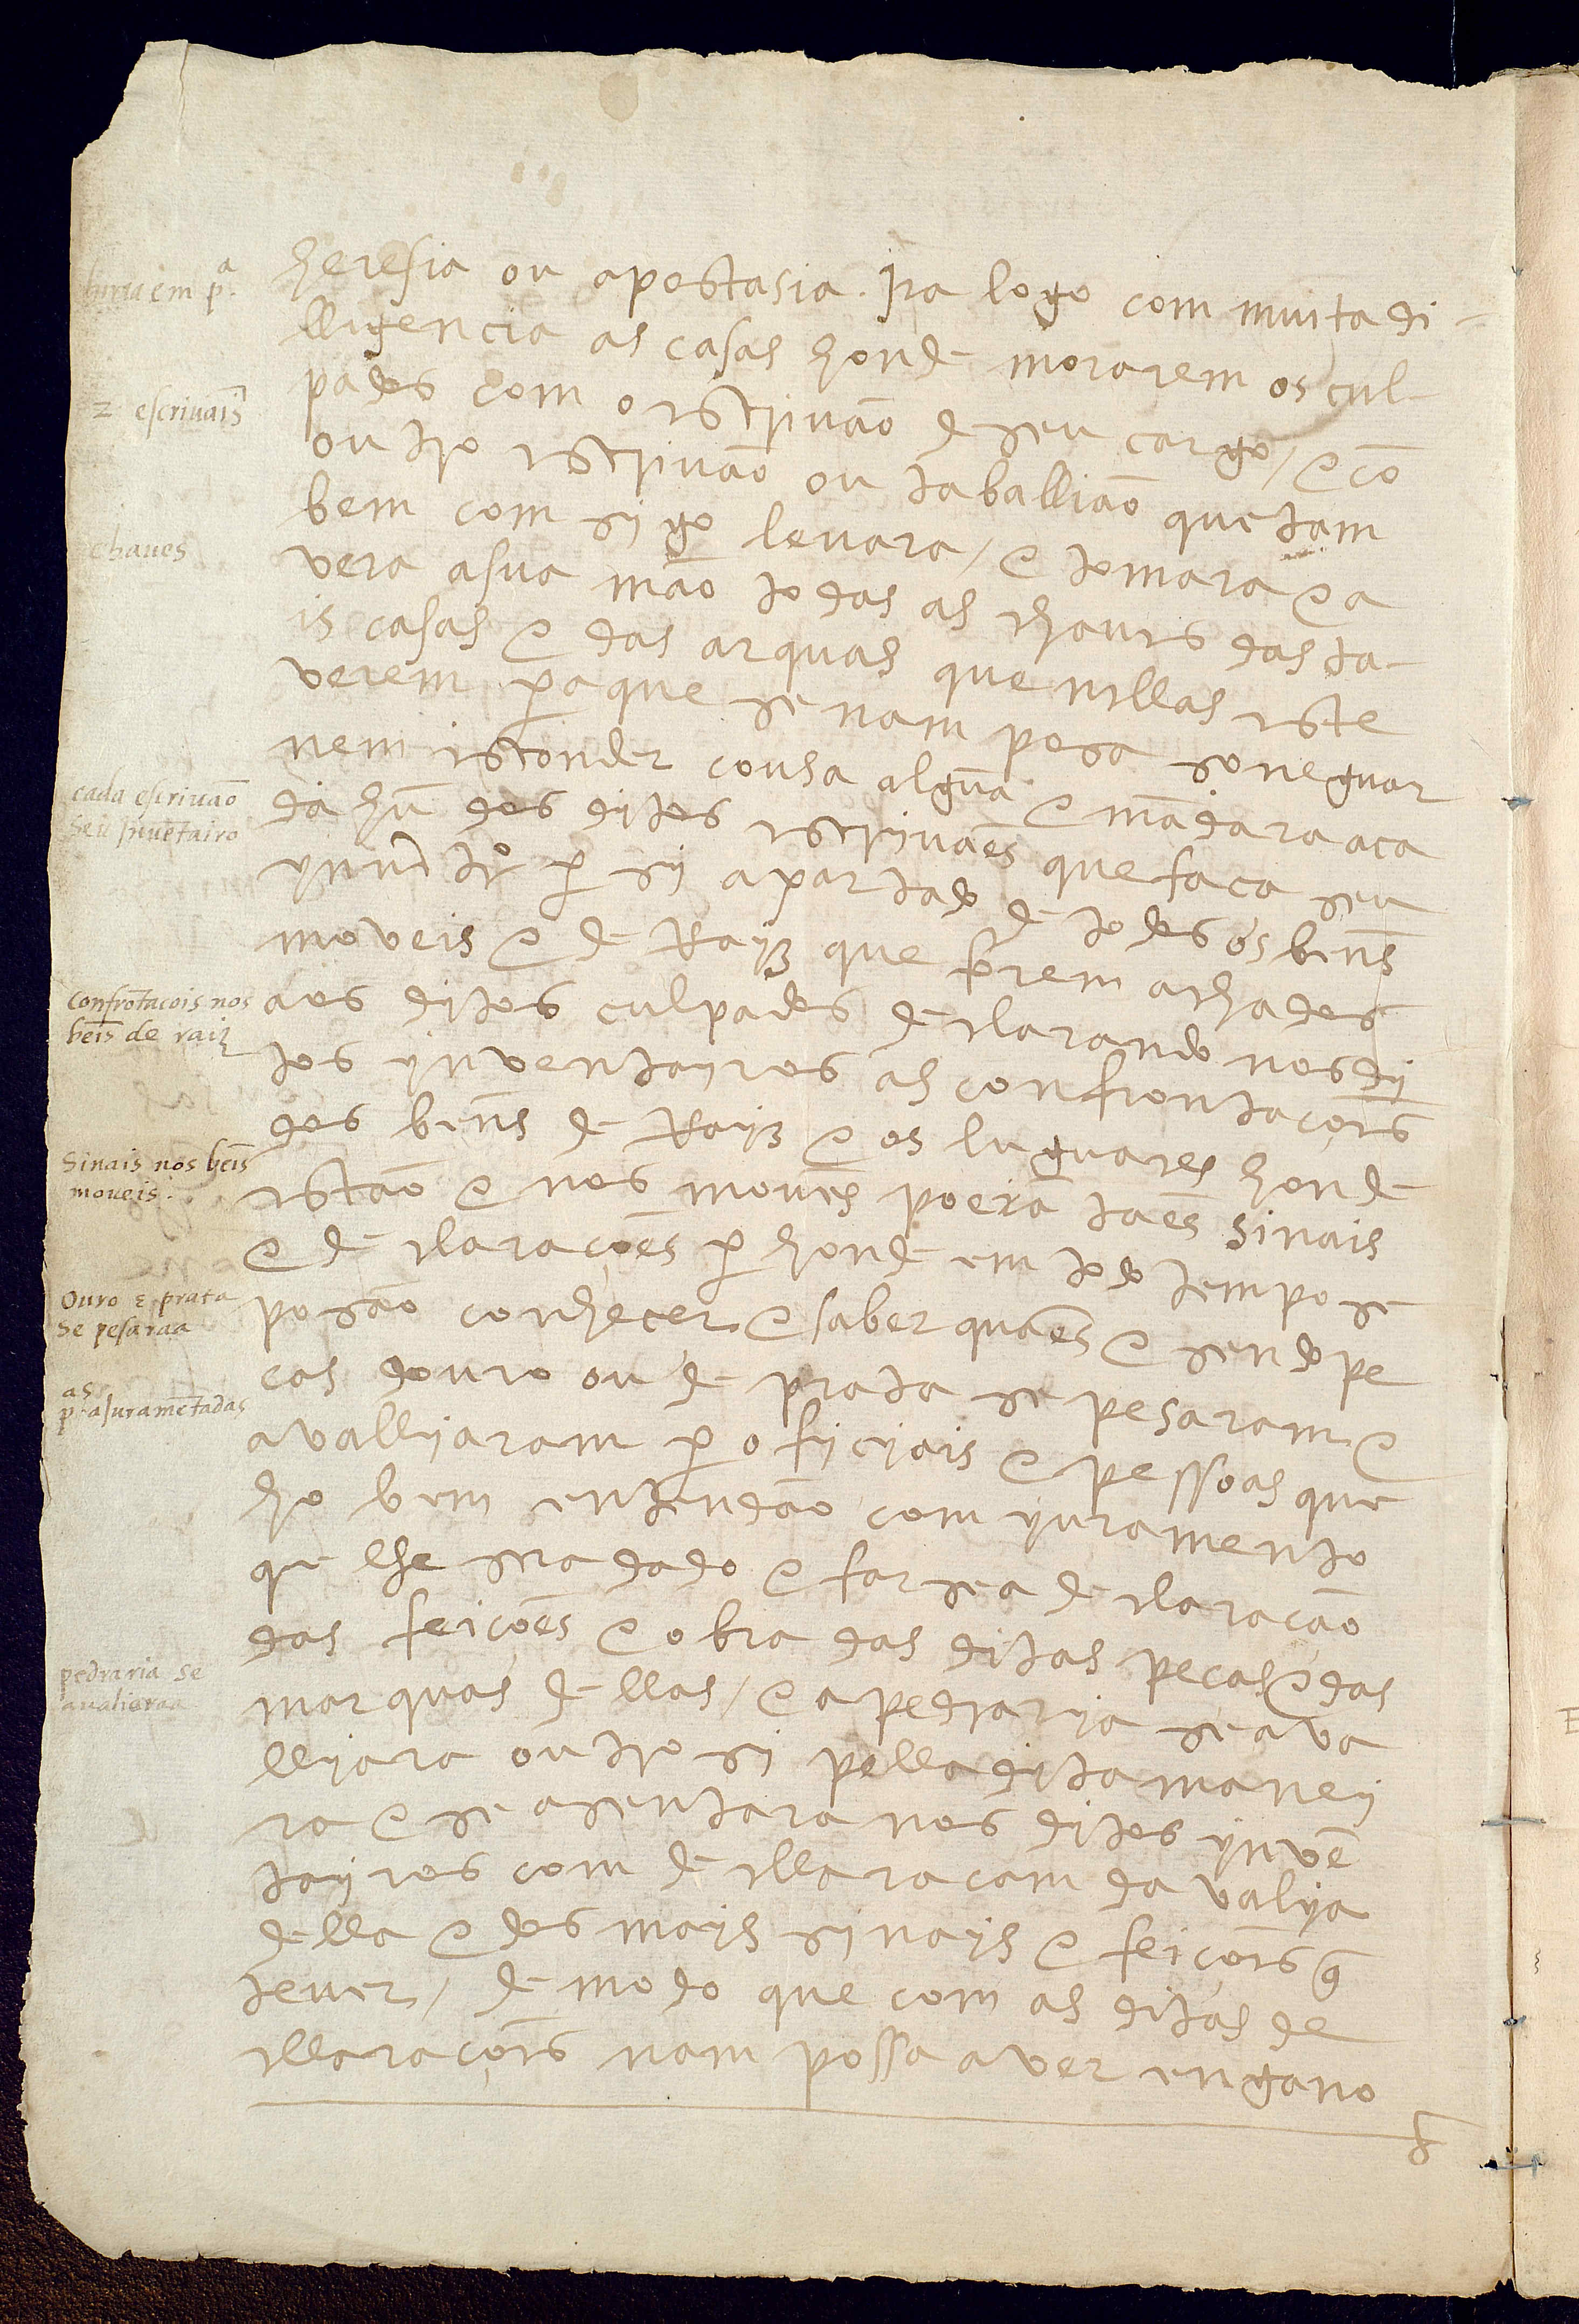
heresia ou apostasia. Jra logo com muita di
hiria em p.a
lligencia as casas honde morarem os cul
pados com o escriuão de seu cargo / e cō
2 escriuãis
outro escriuão ou taballiaõ que tam
bem comsygo leuara / e tomara e a
vera a sua mão todas as chaues das ta
chaues
is casas e das arquas que nellas este
verem ꝑa que se nam posa soneguar
nem esconder cousa algūa e mādara a ca
cada escriuão
seu Jnuētairo
da hū dos ditos escryuaẽs que faça seu
ynuētro ꝑ sy apartado de todos os ben̄s
moveis e de Rays que forem achados
confrōtaçois nos
bēis de raiz
aos dytos culpados declarando nos dy
tos ynventayros as confrontações
dos ben̄s de Rayz e os luguares honde
Sinais nos bēis
moueis.
estão e nos mouēs poerā taēs sinais
e declaraçoẽs ꝑ honde em todo tempo se
Ouro E prata
se pesaraa
posão conhecer e saber quāes e sendo pe
ças douro ou de prata se pesaram e
pas aJuramētadas
avallyaram ꝑ ofycyais e pessoas que
ho bem entendão com yuramento
que lhe sera dado e farsea declaração
das feições e obra das ditas peças e das
pedraria se
aualiaraa
marquas dellas / e a pedraria se ava
llyara outrosy pella dita maney
ra e se asentara nos dytos ynvē
tayros com decllaraçam da valya
della e dos mays synays e feições q̄
teuer / de modo que com as ditas de
cllarações nam possa aver engano
